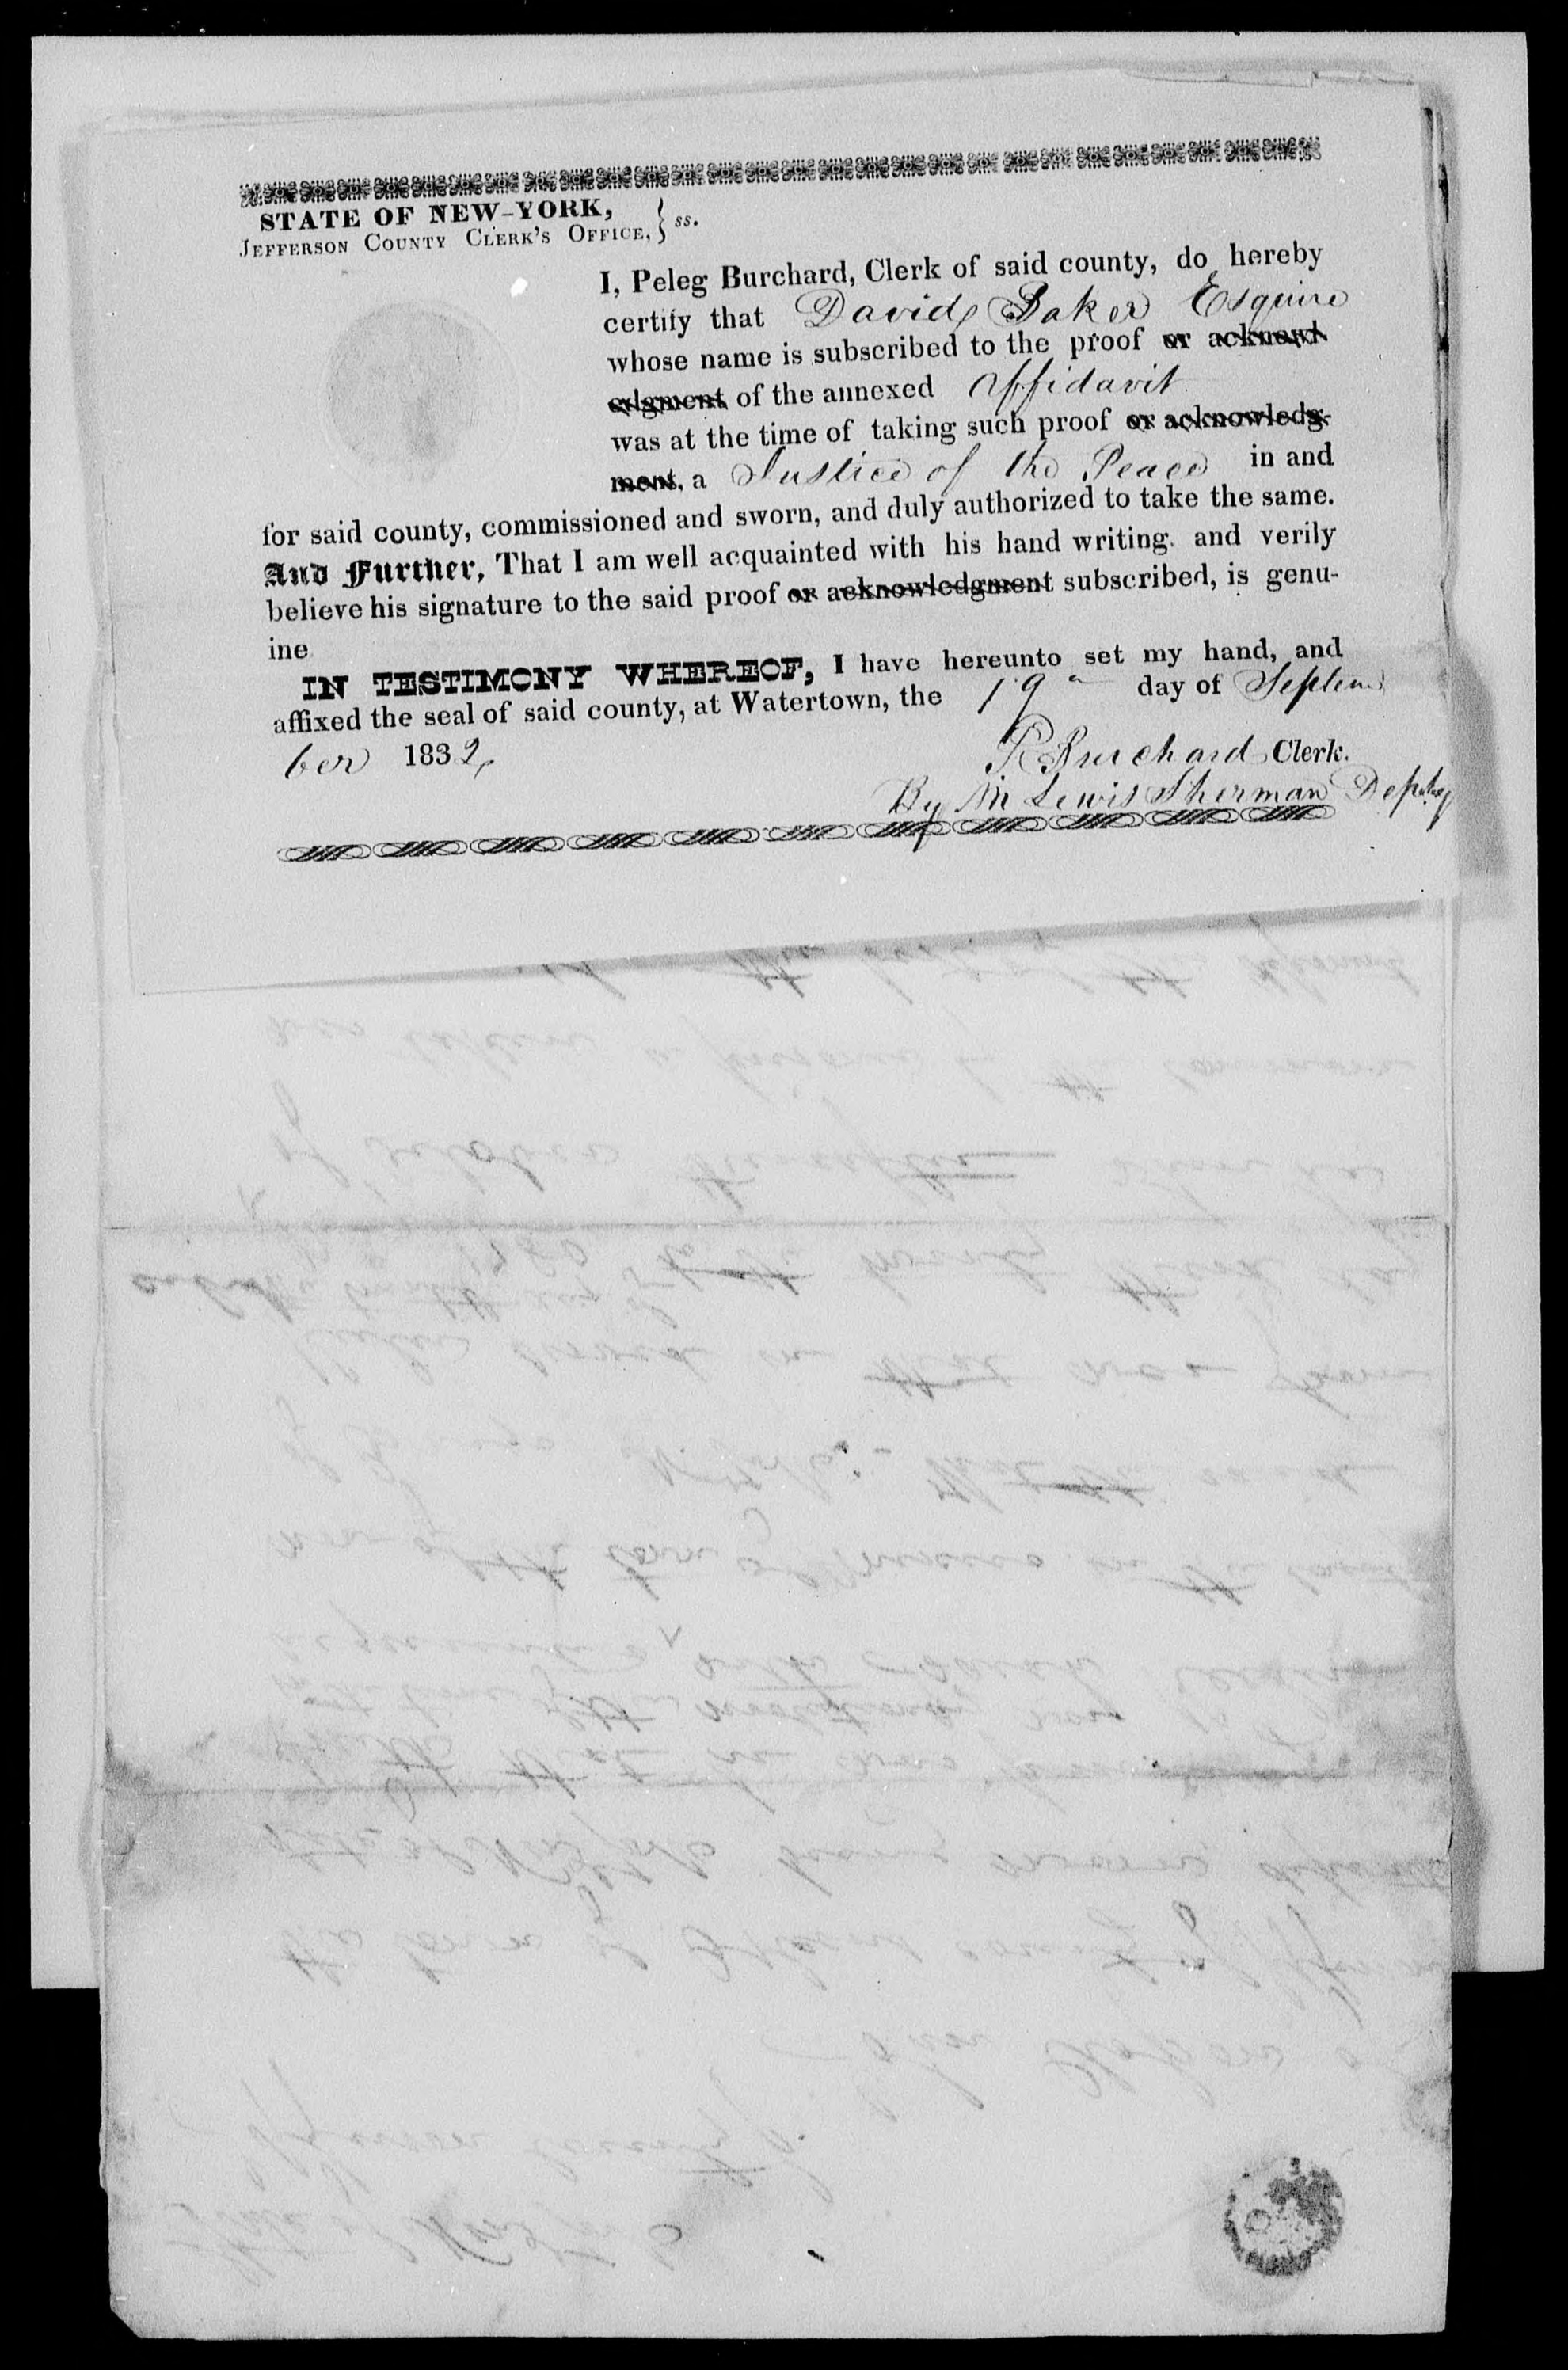STATE OF NEW-YORK, 
JEFFERSON COUNTY CLERK'S OFFICE, } ss.
I, Peleg Burchard, Clerk of said county, do hereby certify that David Baker Esquire whose name is subscribed to the proof of the annexed affidavit was at the time of taking such proof, a Justice of the Peace in and for said county, commissioned and sworn, and duly authorized to take the same. And further, That I am well acquainted with his hand writing and verily believe his signature to the said proof subscribed, is genuine. 
IN TESTIMONY WHEREOF, I have hereunto set my hand, and affixed the seal of said county, at Watertown, the 19th day of September 1832, 
[signed] P Burchard Clerk 
By M Lewis Sherman Deputy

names: Peleg Burchard; David Baker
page: 5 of 26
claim: survivor's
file: S. 13,625, for Isaiah Keeler, New York